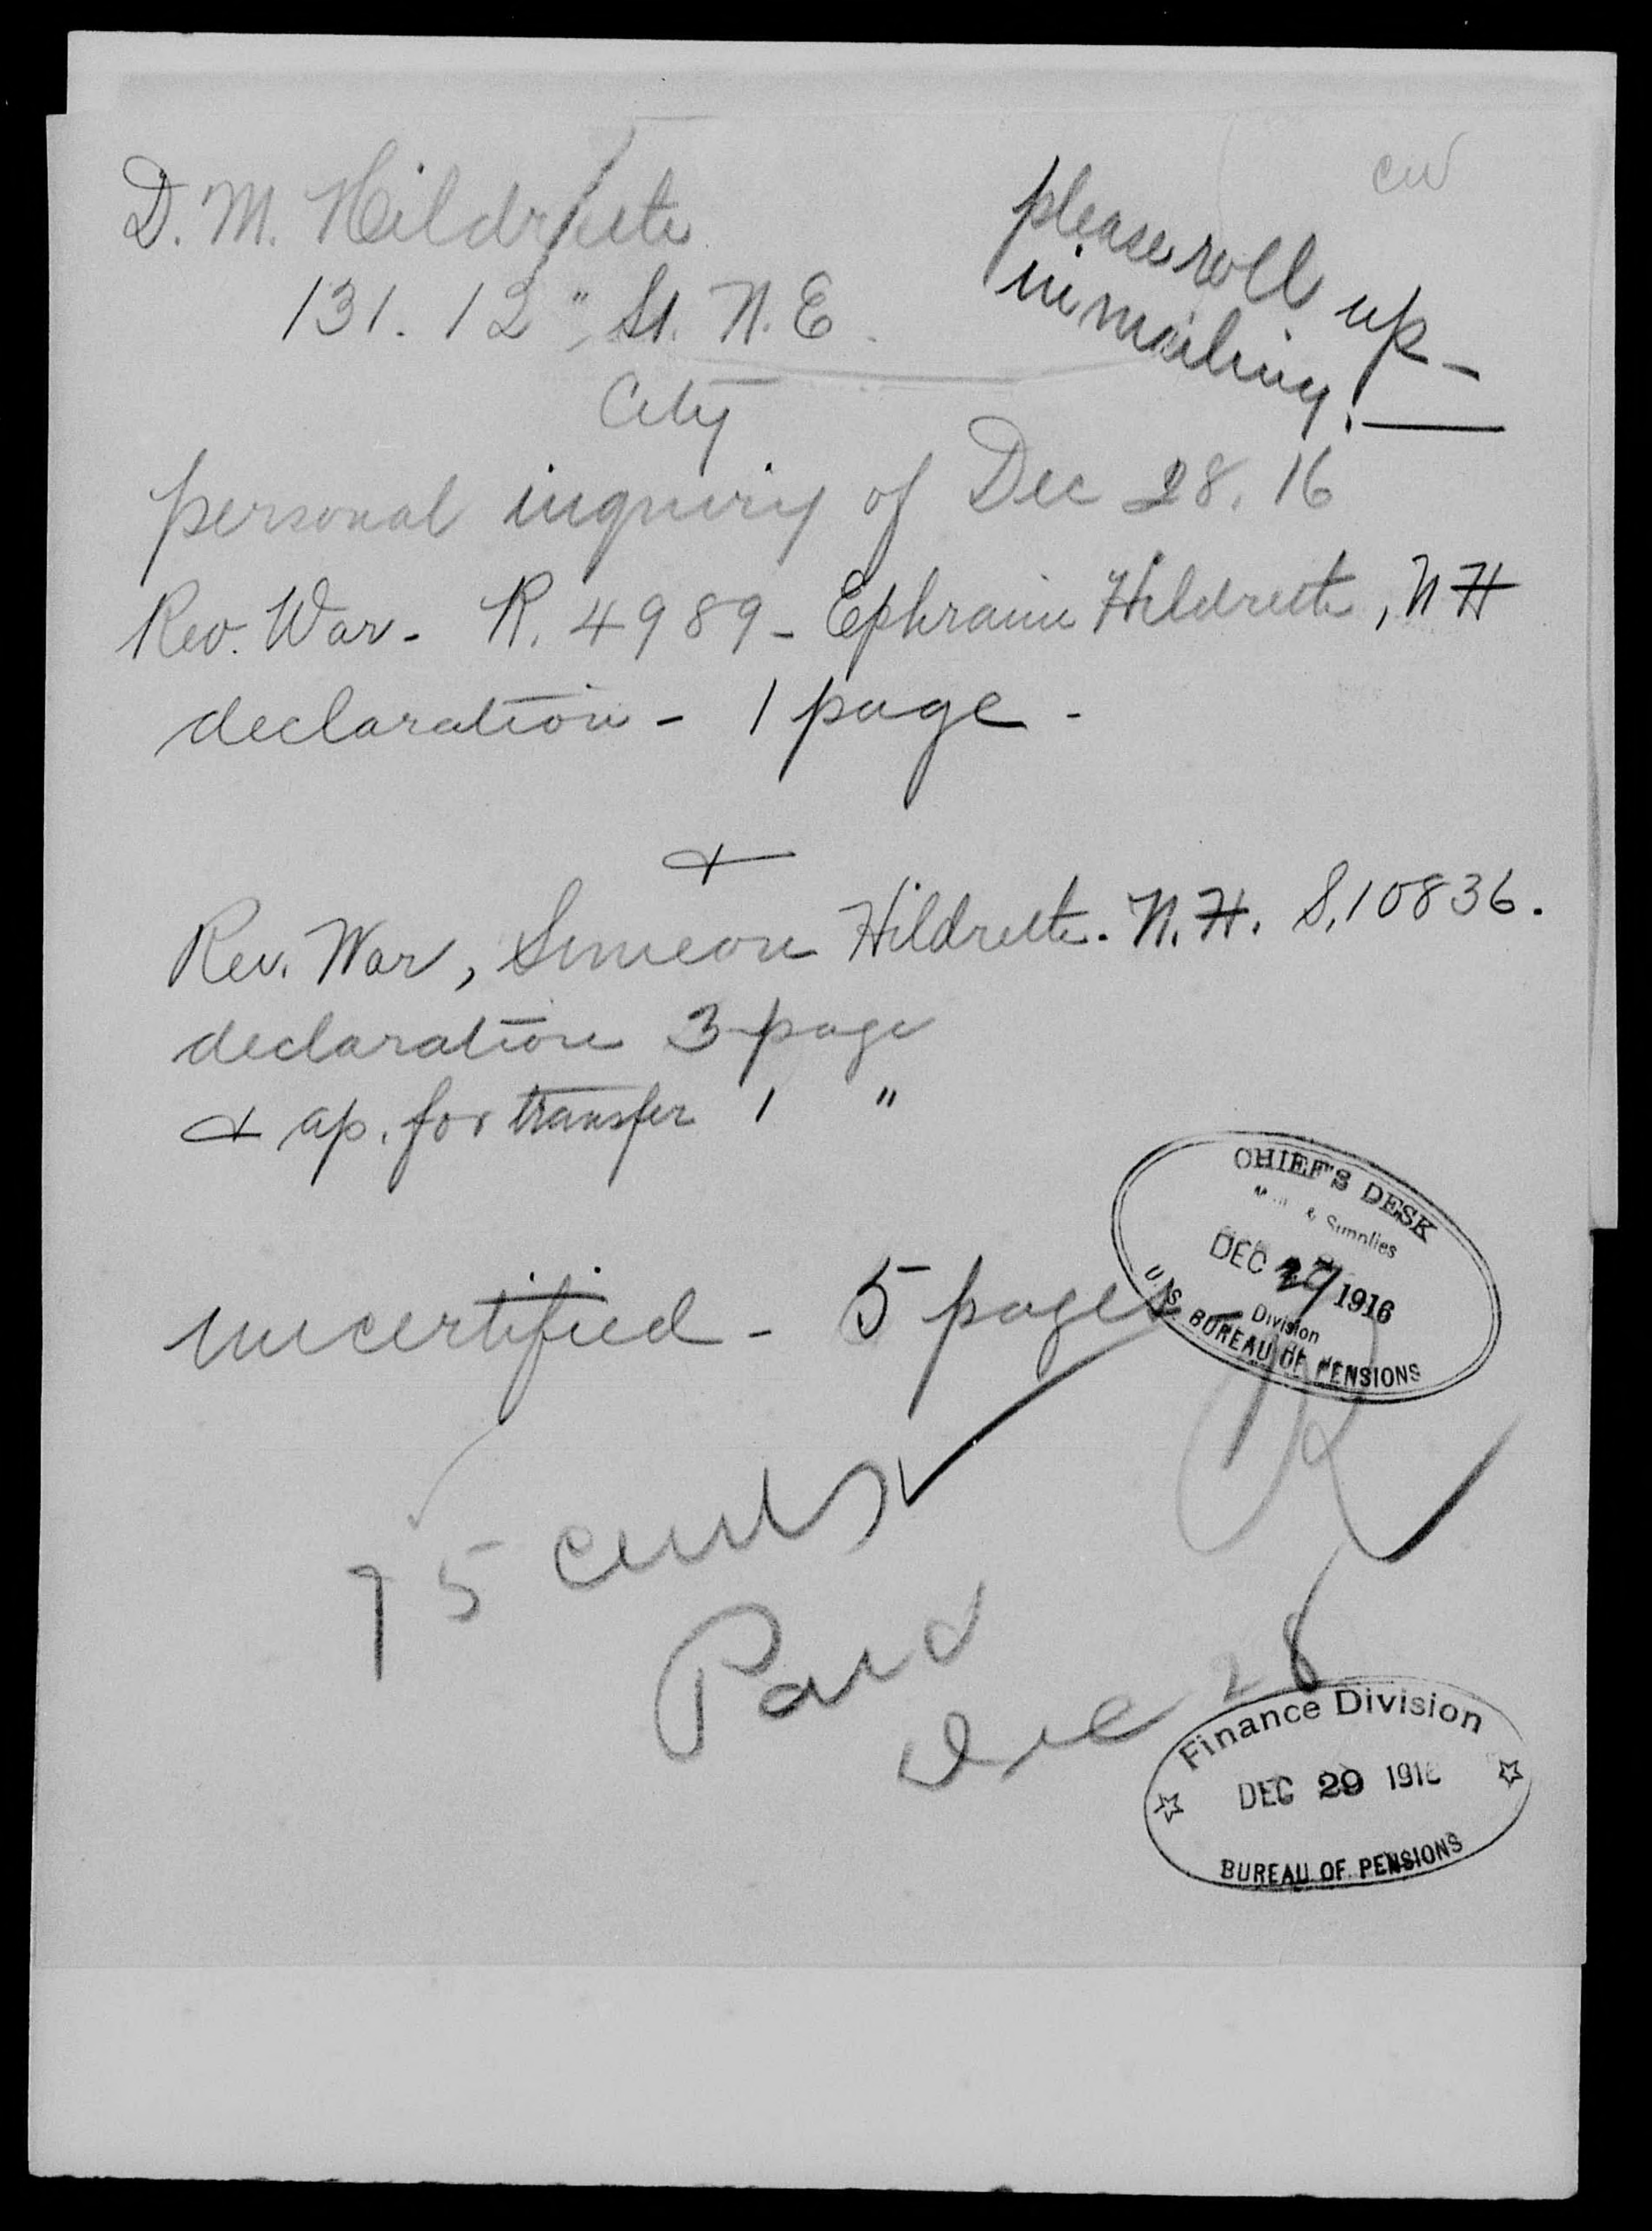D.M. Hildreth
131. 12 " St. N.E
(Washington) City

(diagonally in upper right margin -- please roll up in mailing) 

personal inquiry of Dec 28. (19)16
-
Rev(olutionary). War. R. 4989- Ephraim Hildreth, NH
declaration - 1 page
+
Rev(olutionary). War, Simeon Hildreth N.H.
S. 10836
declaration 3 page
& ap(lication) for transfer  (ditto)

uncertified. 5 pages
75 cents
Paid 
Dec 28

(Stamp -- CHIEF'S DESK  Mail and Supplies  Dec(ember) 29 1916 Division U. S. BUREAU OF PENSIONS)

(Stamp -- Finance Division  Dec(ember) 29 1916  BUREAU OF PENSIONS)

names: Ephraim Hildreth, Simeon Hildreth, D M Hildreth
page: 11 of 17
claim: rejected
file: R. 4989, Ephraim Hildreth, N.H.